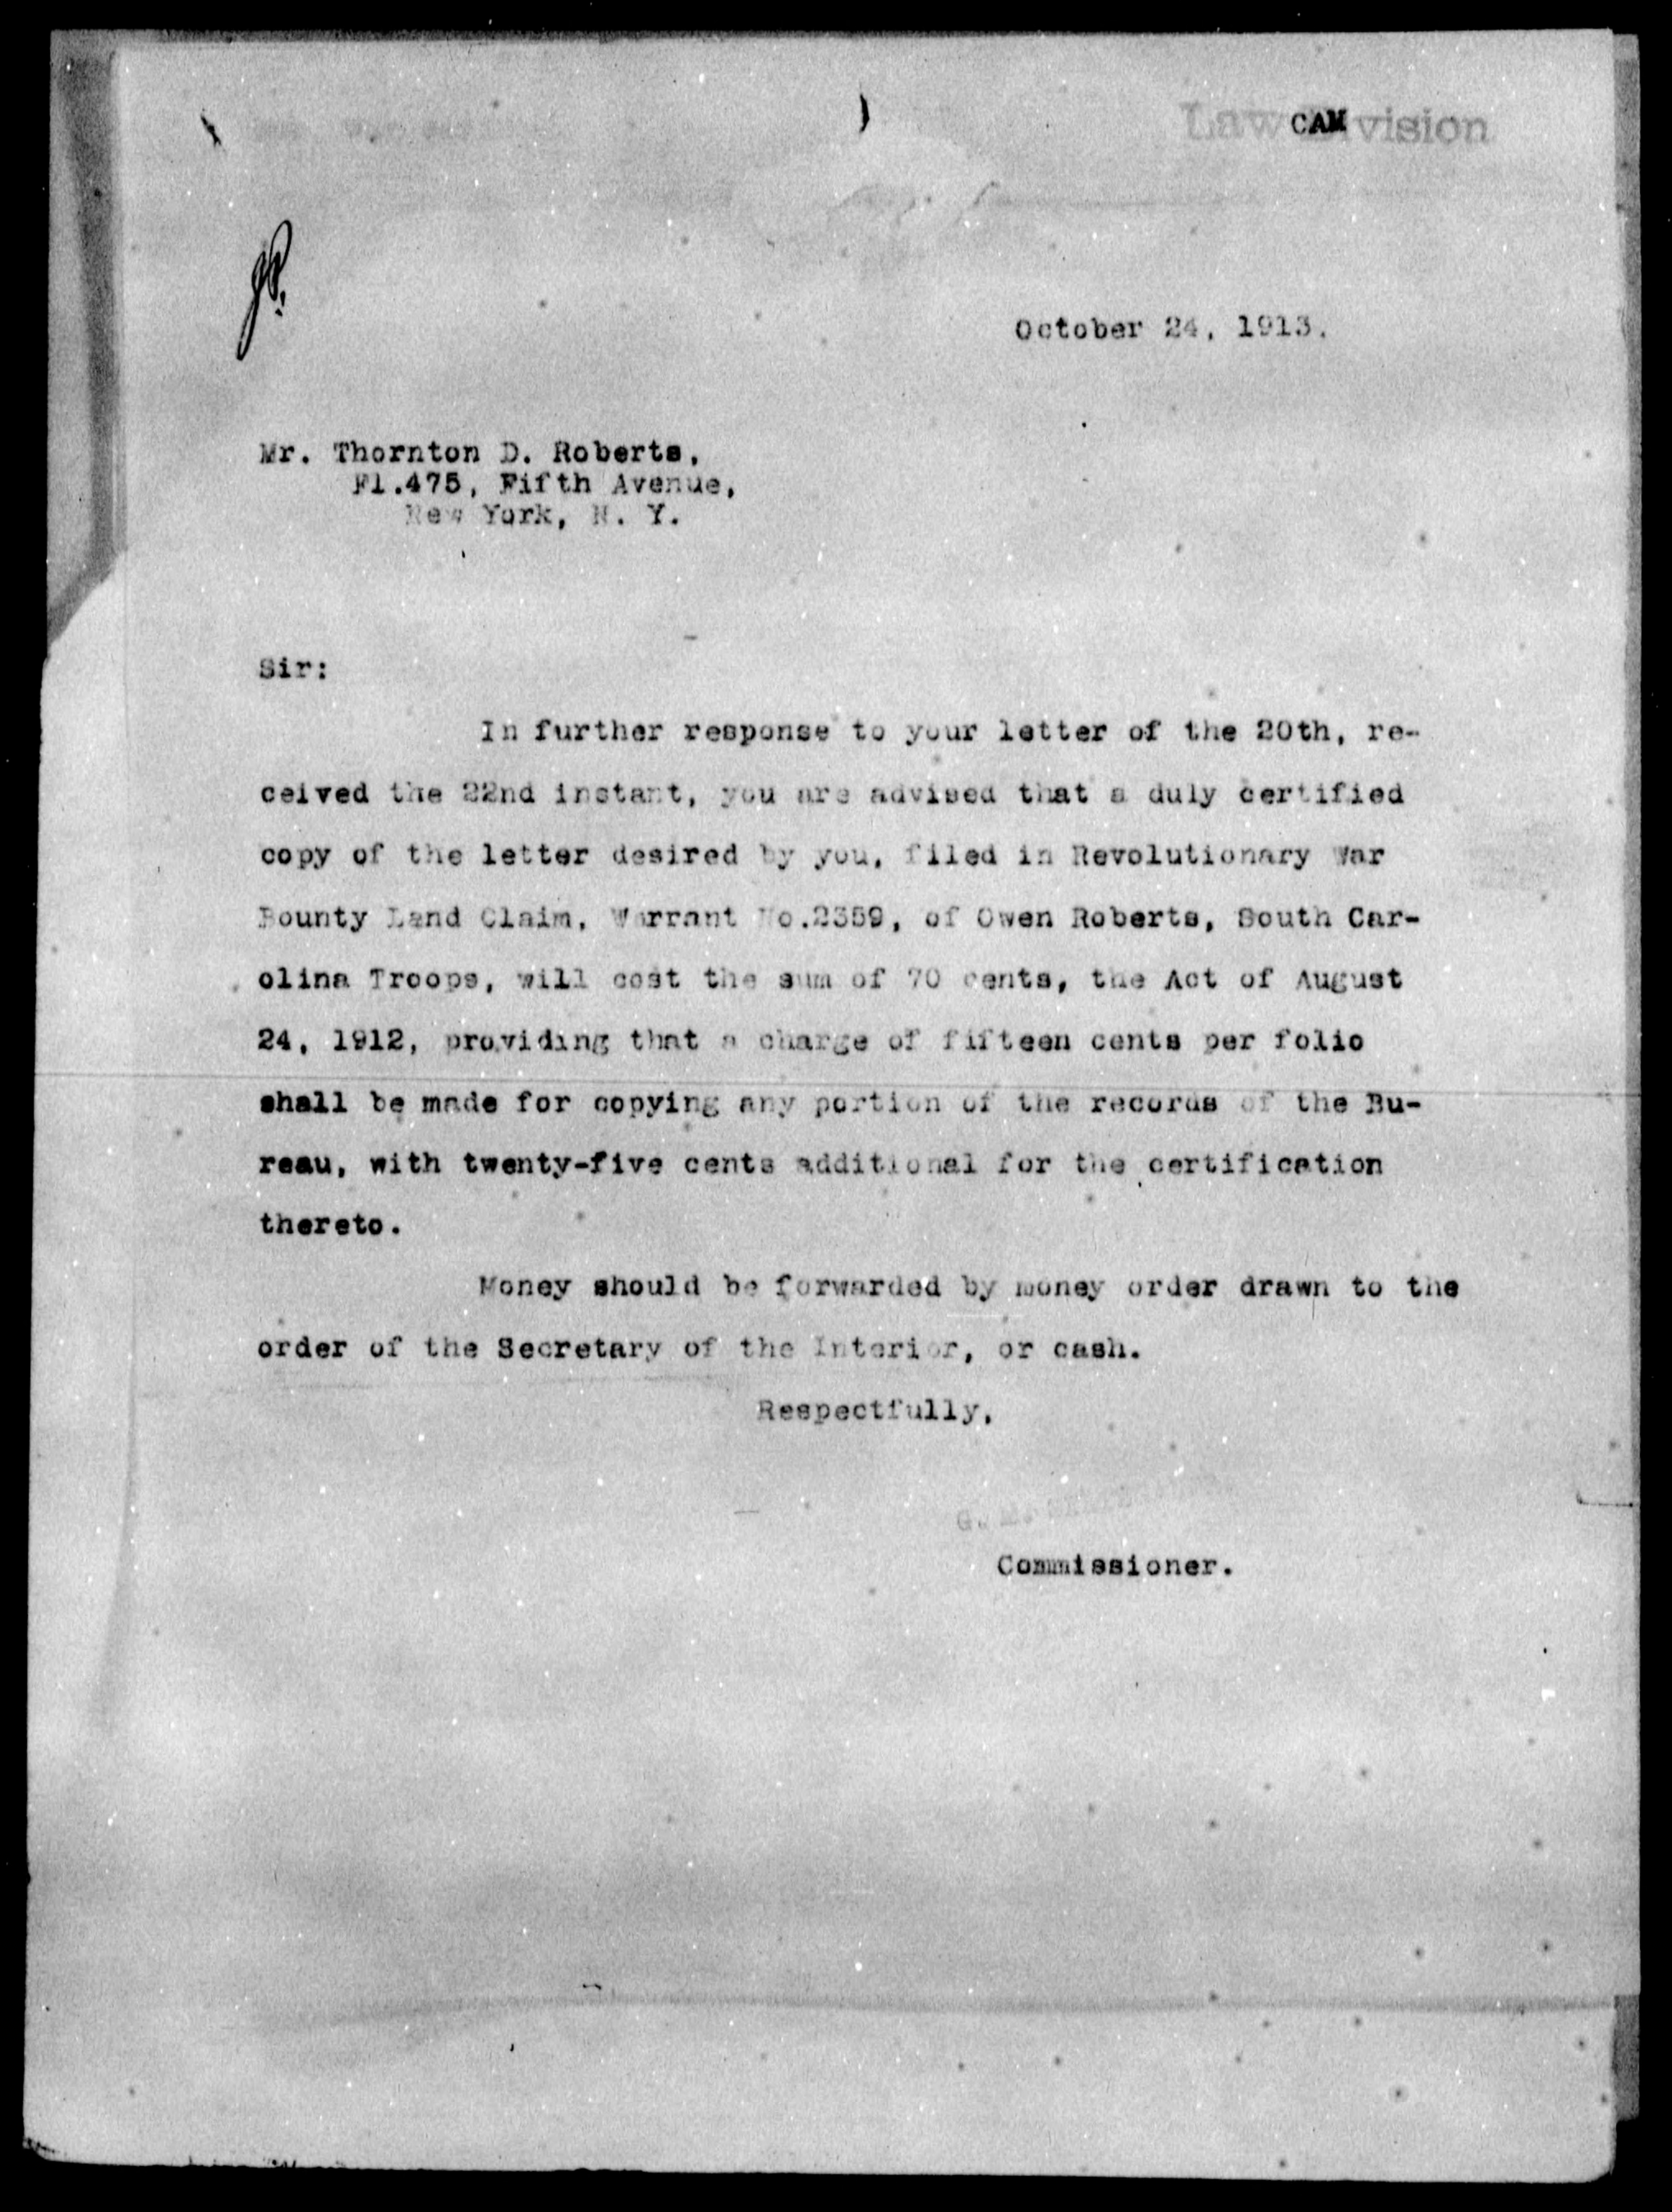[stamp] Law cam vision

October 24, 1913.

Mr. Thornton D. Roberts,
Fl.475, Fifth Avenue,
New York, N.Y.

Sir:

In further response to your letter of the 20th, 
received the 22nd instant, you are advised that a duly certified
copy of the letter desired by you, filed in Revolutionary War
Bounty Land Claim, Warrant No. 2359, of Owen Roberts, South 
Carolina Troops, will cost the sum of 70 cents, the Act of August
24, 1912, providing that a charge of fifteen cents per folio
shall be made for copying any portion of the records of the 
Bureau, with twenty-five cents additional for the certification
thereto.

Money should be forwarded by money order drawn to the 
order of the Secretary of the Interior, or cash.

Respectfully,

[signature rubber stamped] G. M. Saltzgaber

Commissioner.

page: 18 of 59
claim: bounty land warrant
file: B.L.Wt. 2359-500, for Owen Roberts, South Carolina